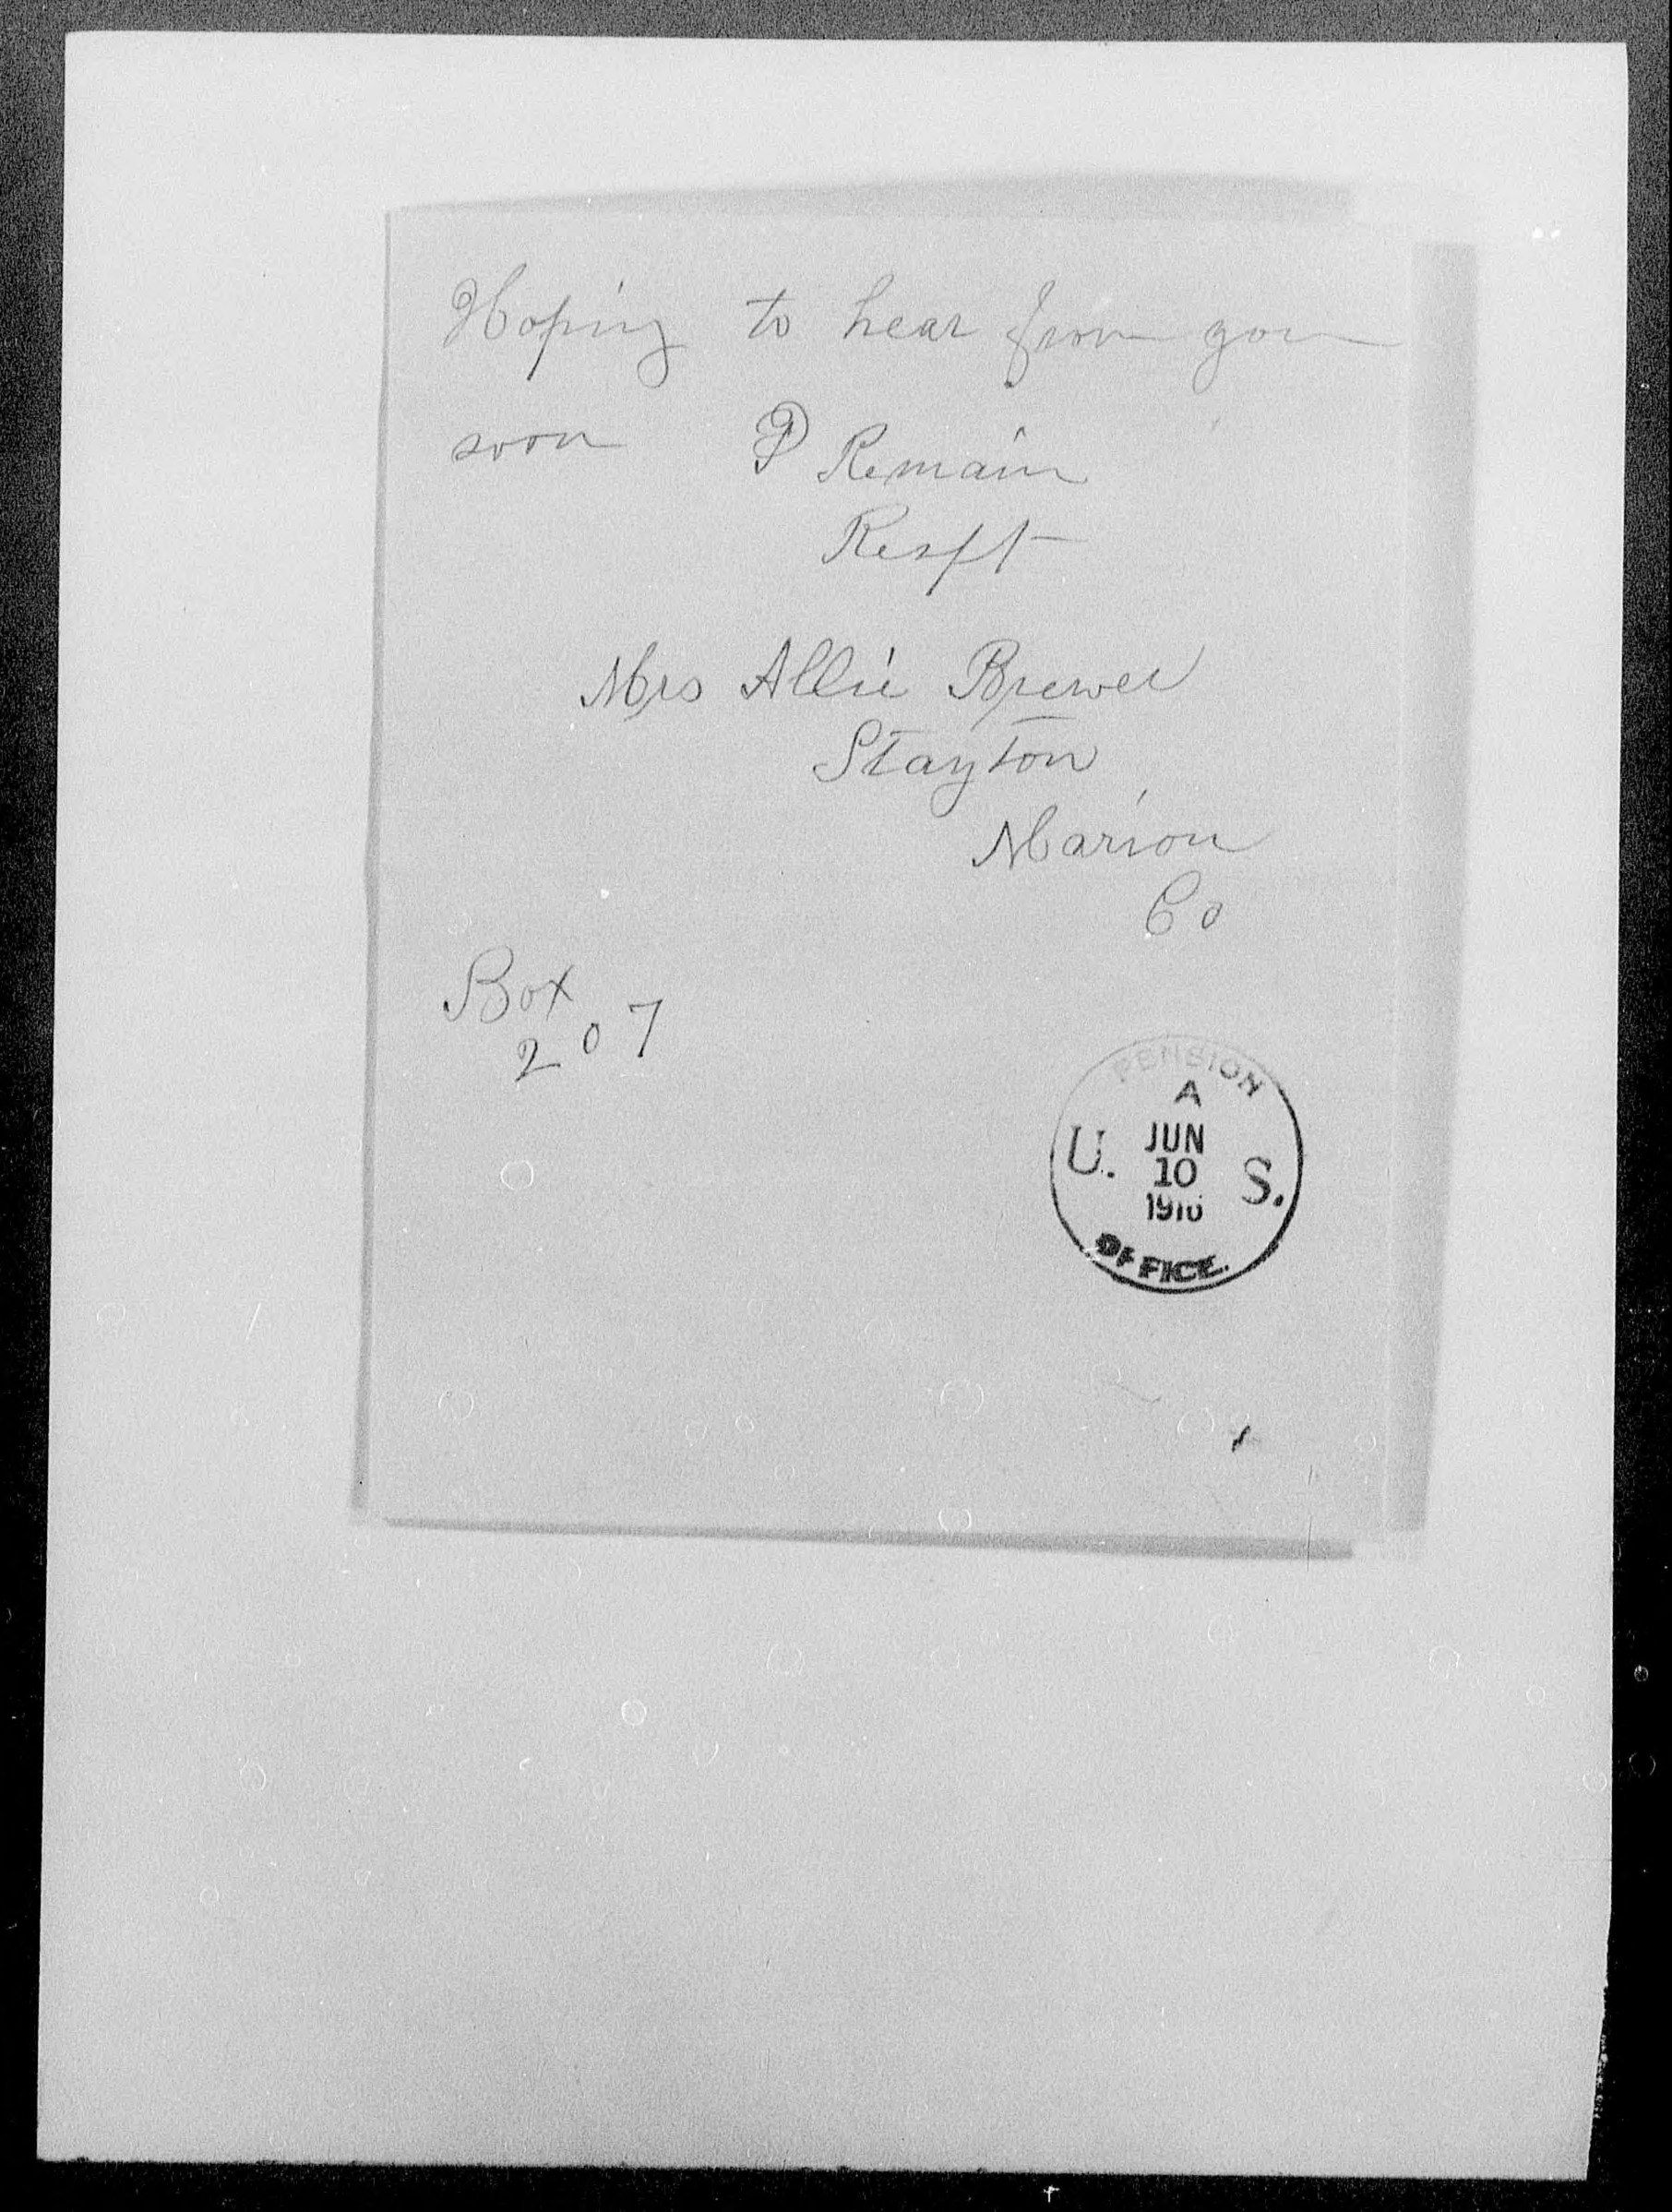Hoping to hear from you soon
I Remain 
Respt 
Mrs Allie Brewer 
Stayton Marion Co
Box 207

[stamp] 
U.S. Pension Office Jun 10 1916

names: Allie Brewer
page: 61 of 66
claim: widow's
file: W. 6637, Richard Caslar, New York